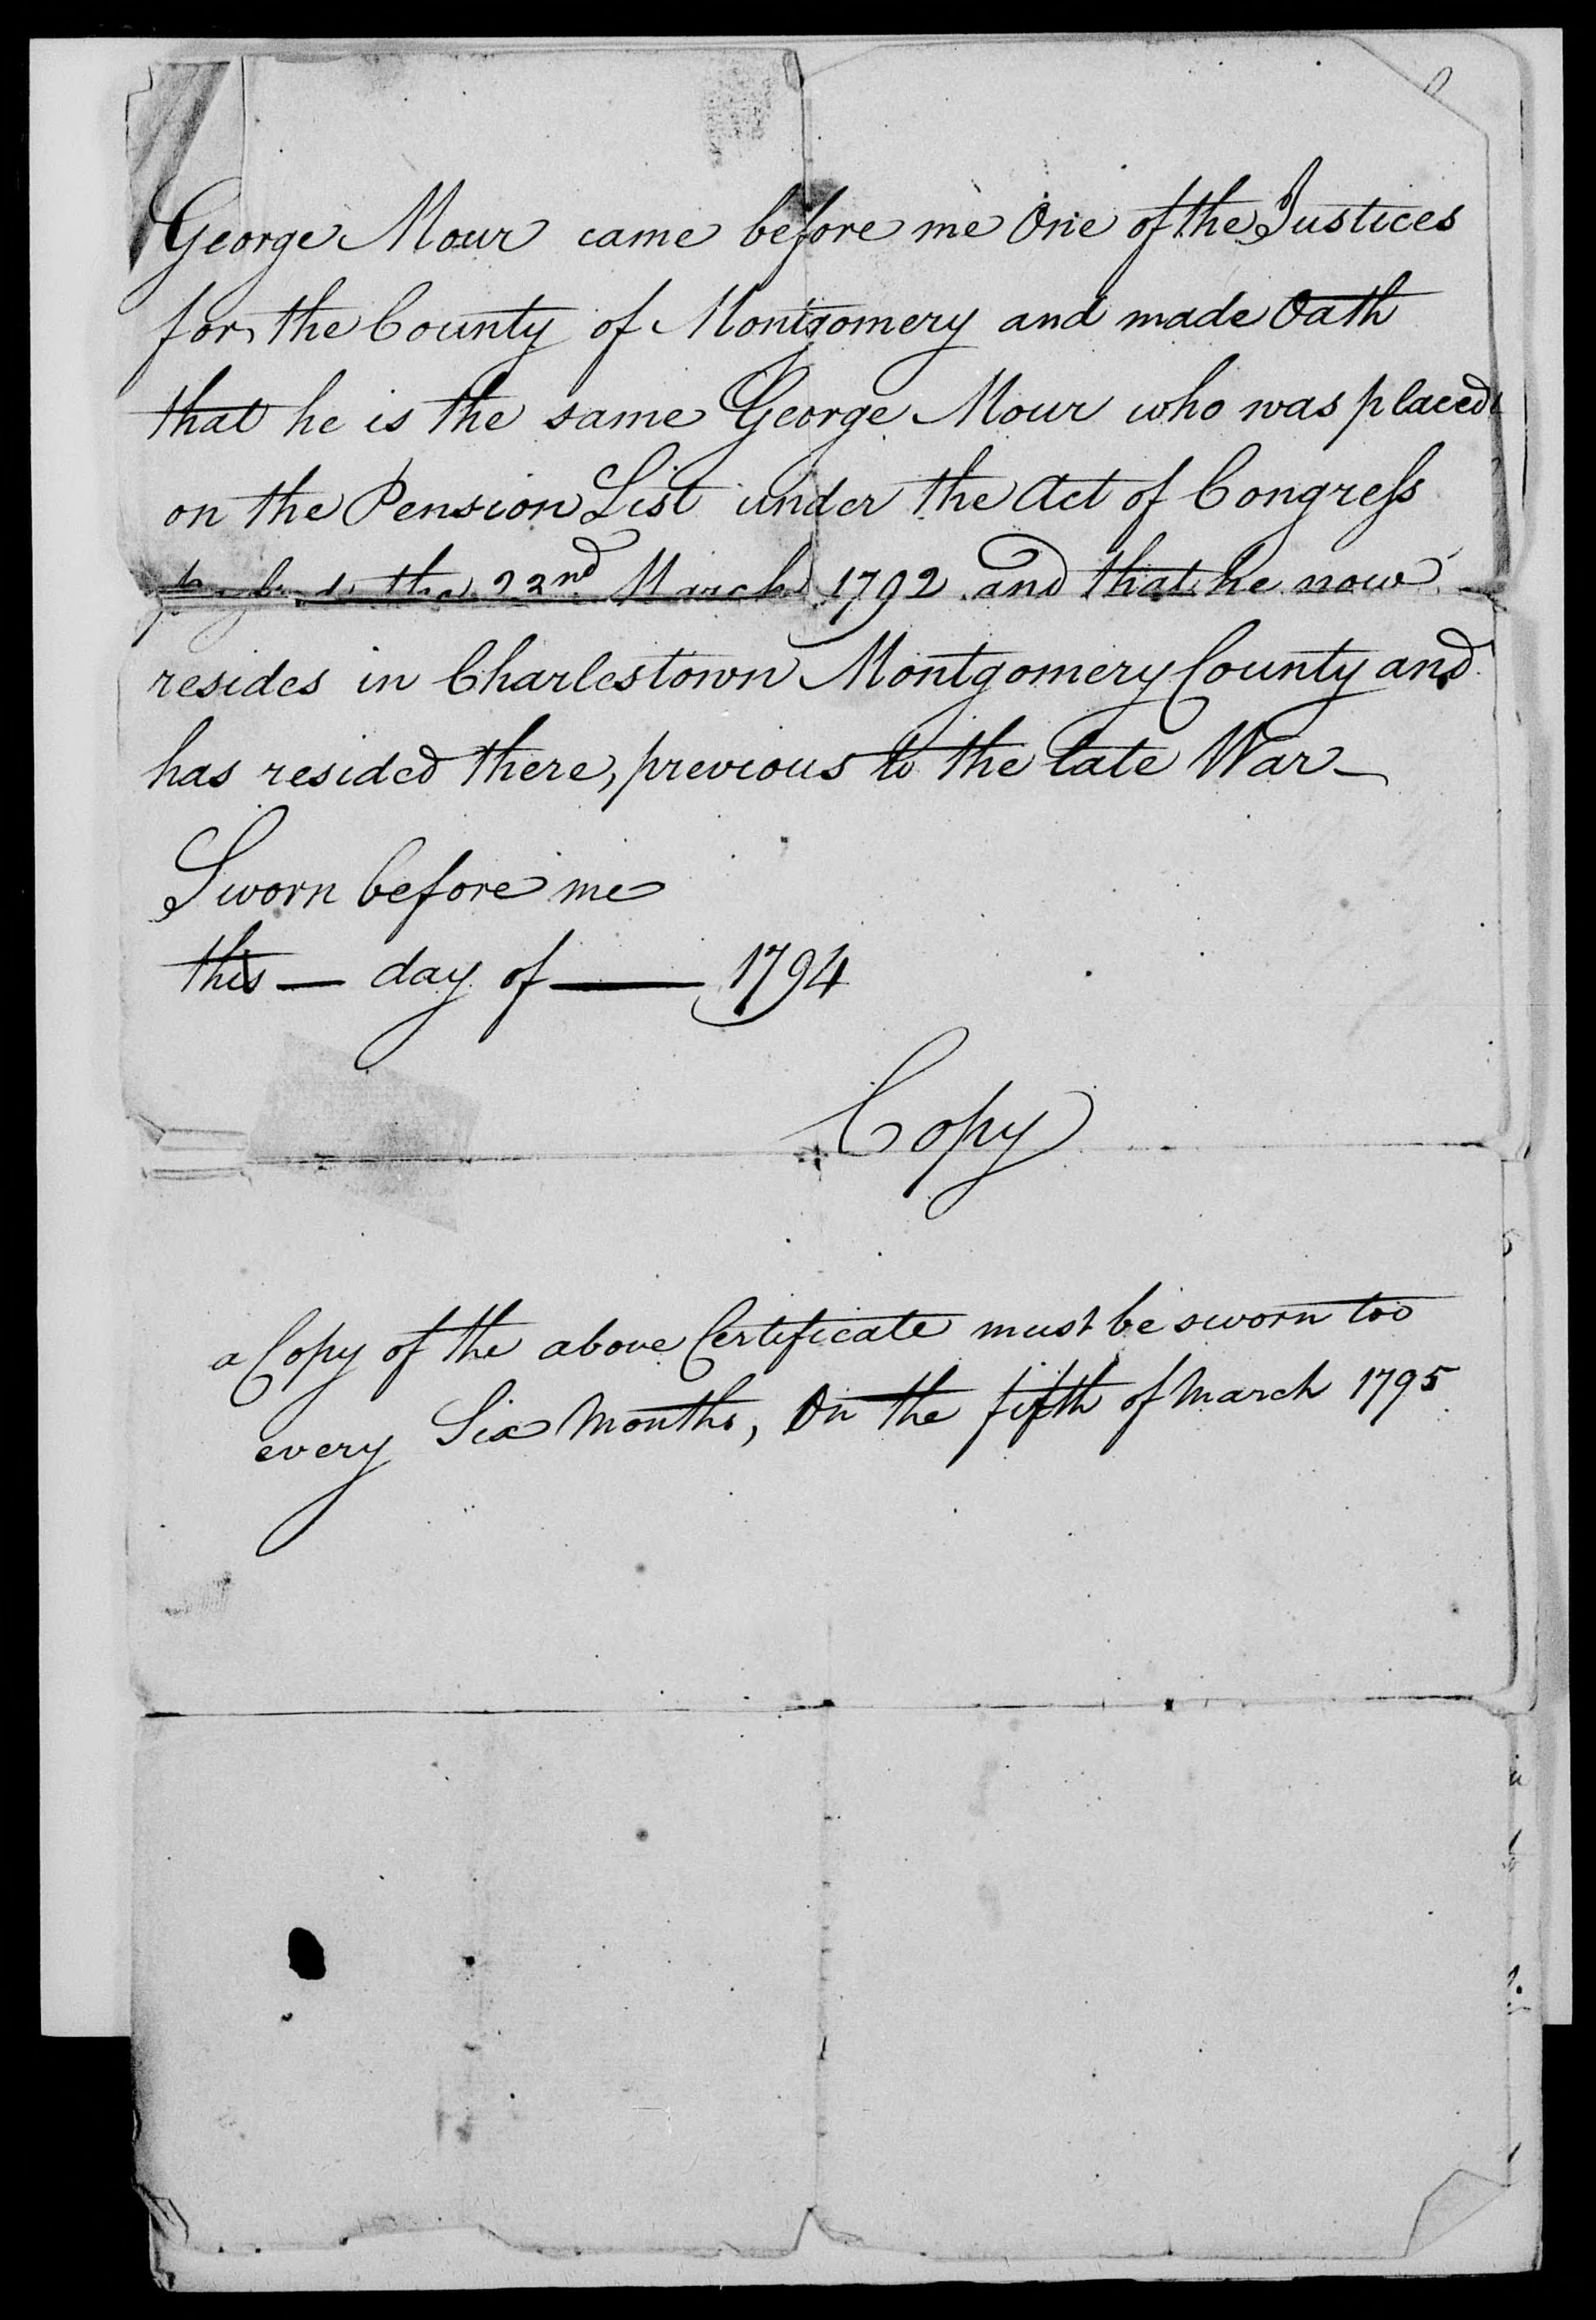George Mour came before me one of the Justices for the County of Montgomery and made oath that he is the same George Mour who was placed on the Pension List under the Act of Congress [illegible] the 23rd March 1792 and that he now resides in Charlestown Montgomery County and has resided there, previous to the late War.
Sworn before me this ____ day of ____ 1794

Copy

a Copy of the above Certificate must be sworn to every Six months, on the fifth of March 1795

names: George Mour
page: 6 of 11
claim: survivor's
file: S. 27,210, for George Mour, New York